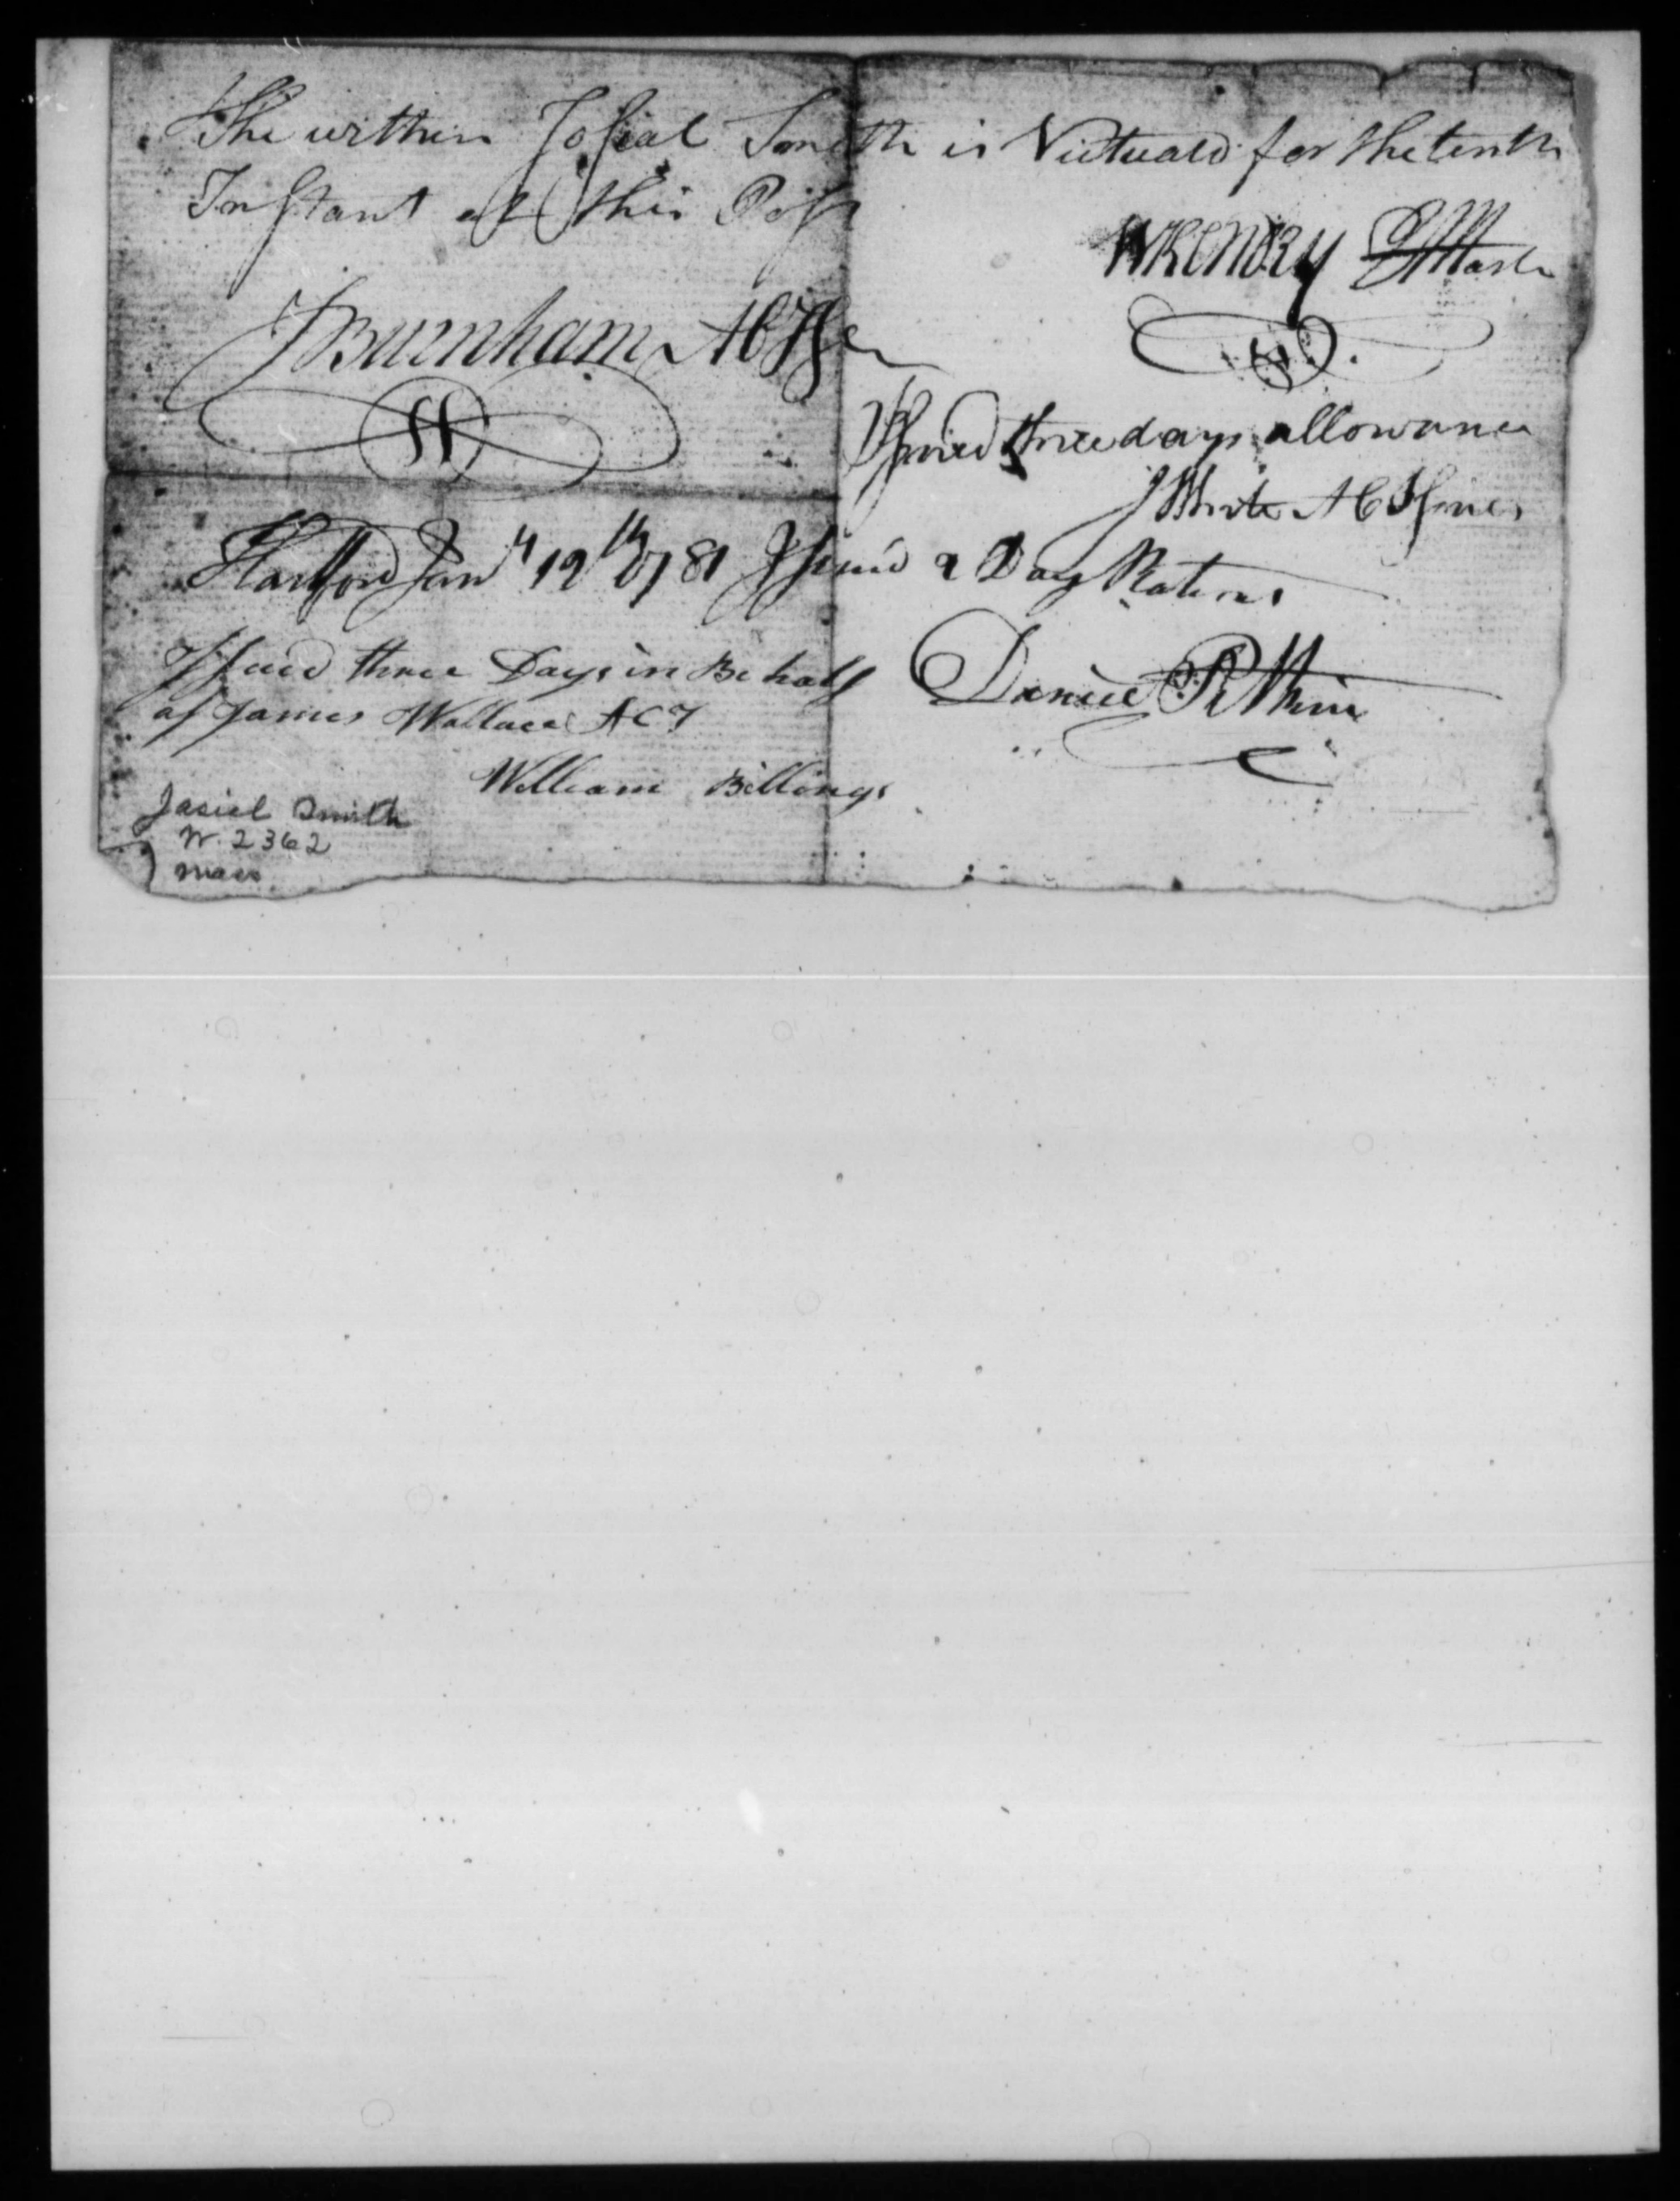The within Josial Smith is Victuald for the tenth 
Infant at this Post
Burnham A
[illegible signatures]
[illegible]  three days allowance
J. White [AC illegible signature]
[illegible]Jan 19th 1781 Issued 9 Day Rations
Issued three days in Behalf 
of James Wallace ACT
Daniel Petkins
William Billings
Jasiel Smith
W 2362
Mass

---
C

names: William Billings; James Wallace; Daniel Petkins; J Burnham; Jasiel Smith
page: 5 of 20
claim: widow's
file: W 2362, for Jasiel Smith, Massachusetts